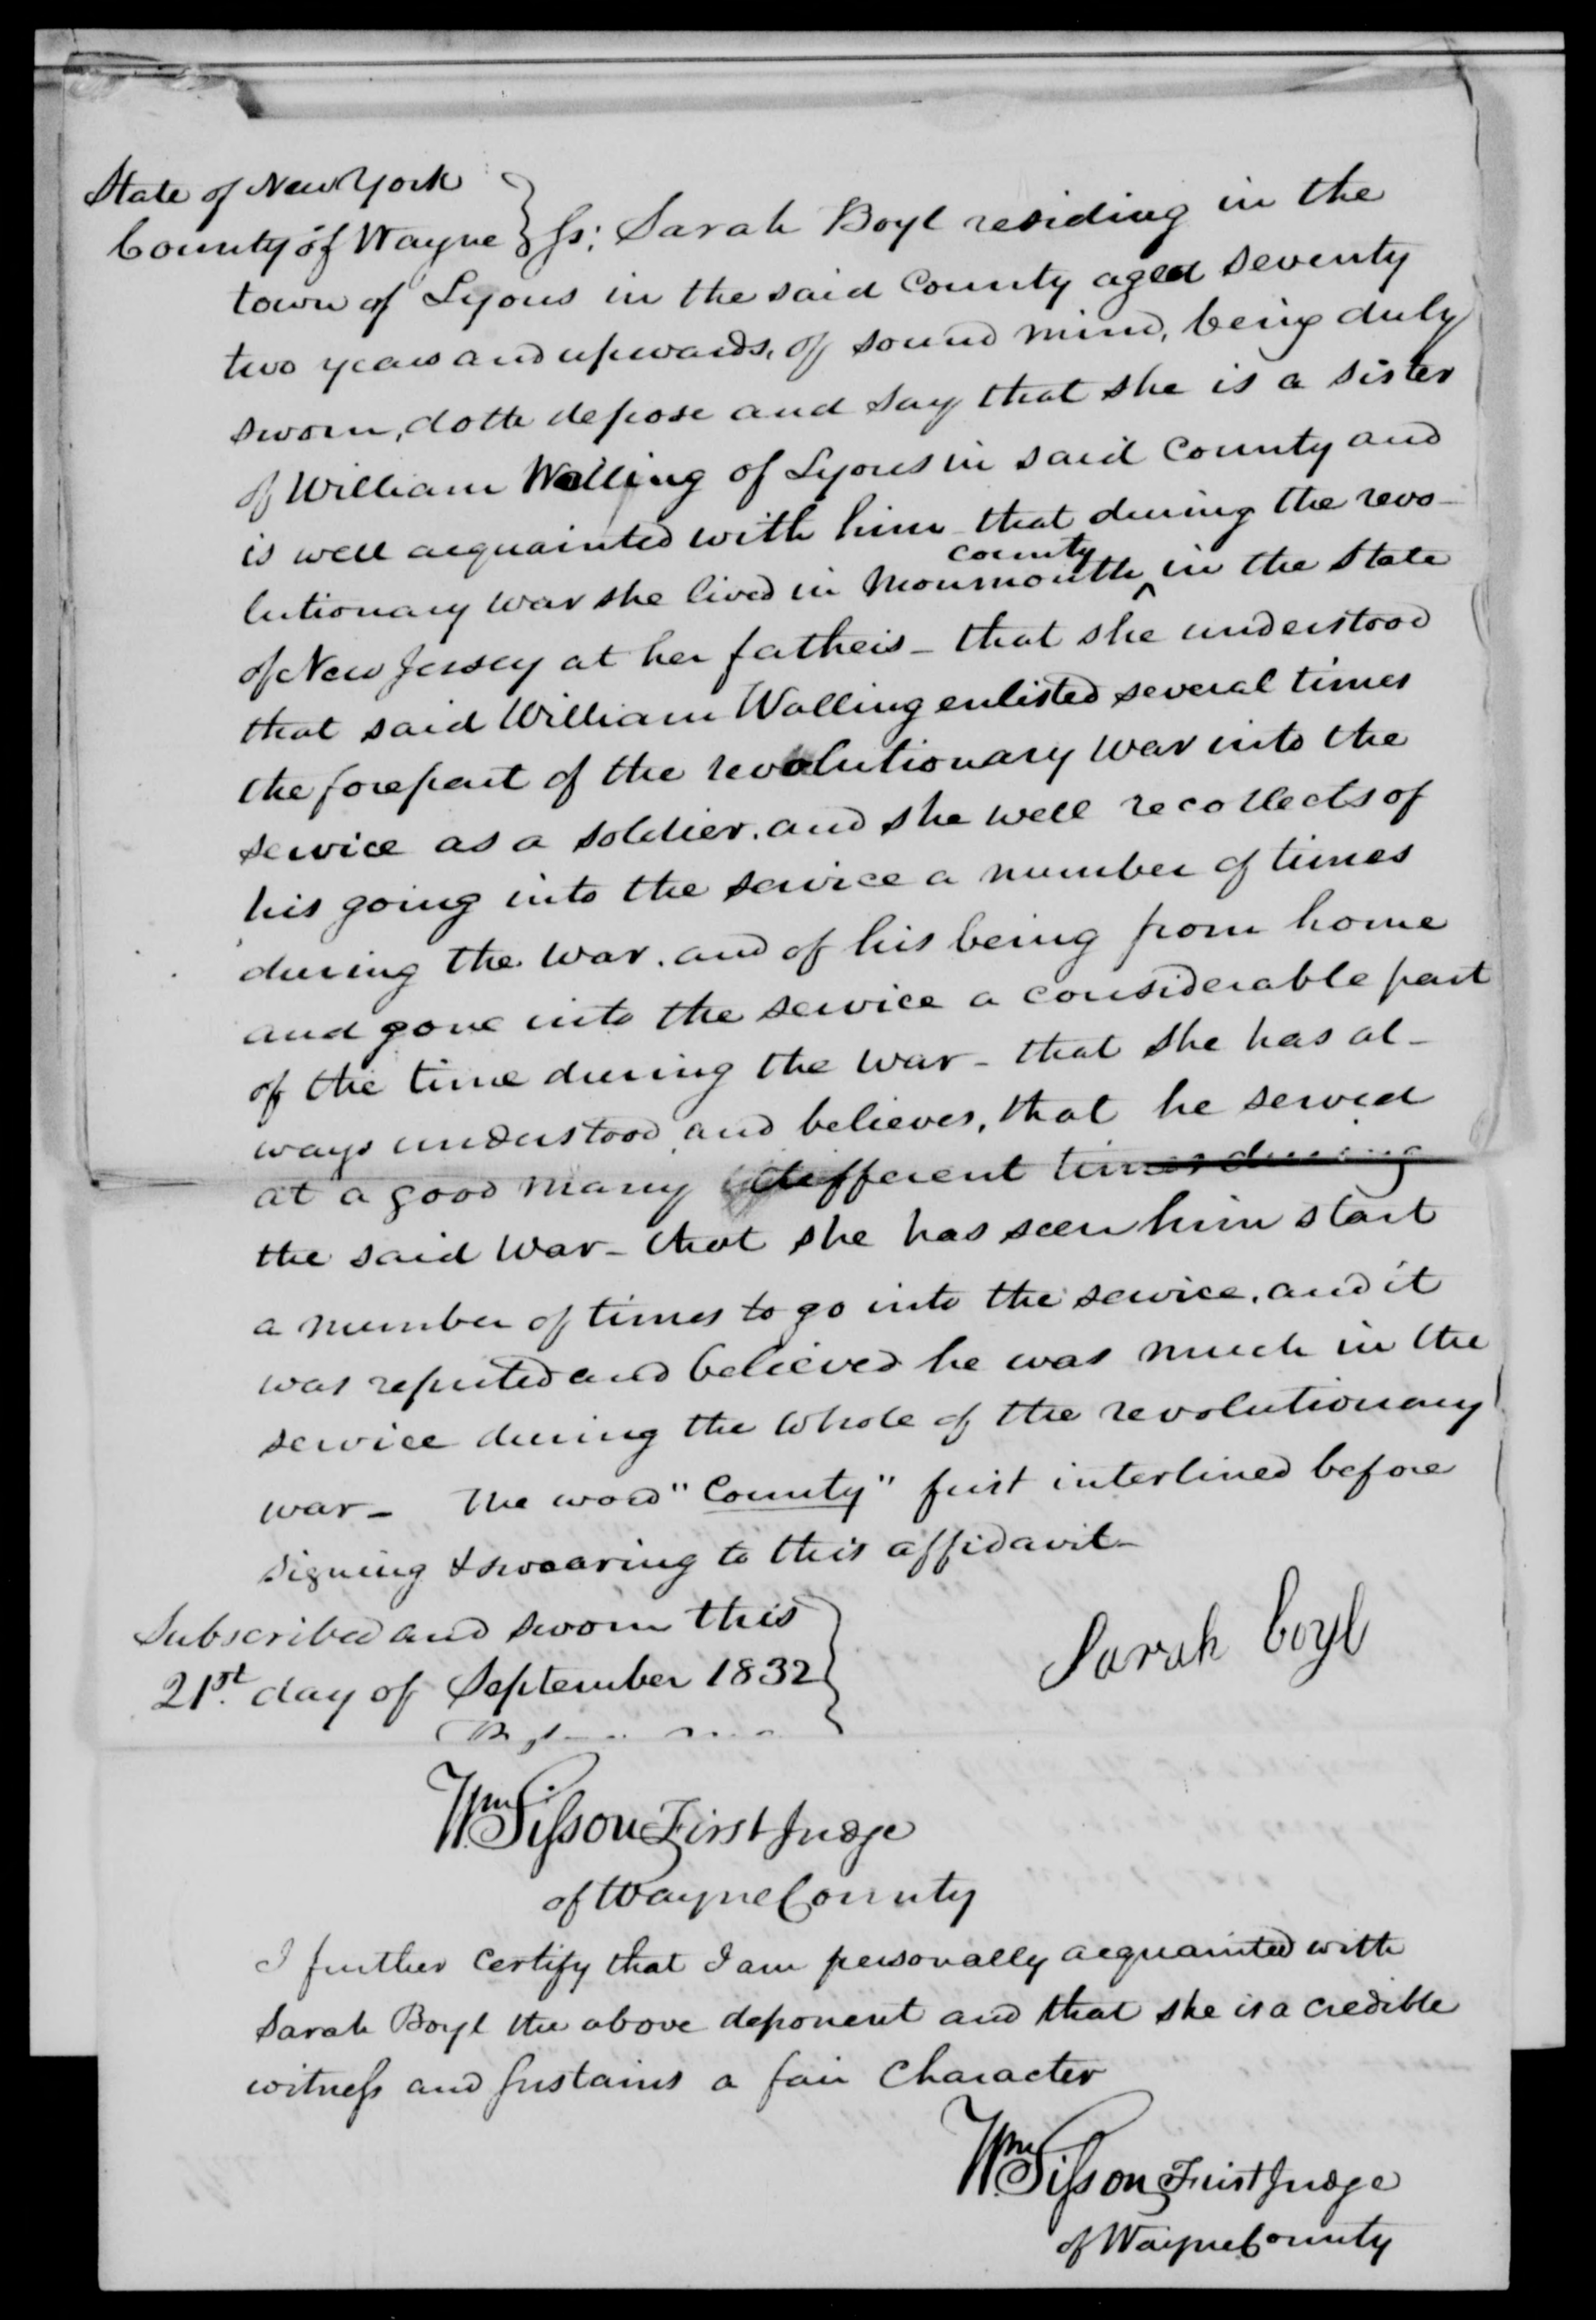State of New York, County of Wayne
Sarah Boyl residing in the town of Lyons in the said county aged seventy two years and upwards of sound mind, being duly sworn, both depose and say that she is a sister of William Walling of Lyons in said county and is well acquainted with him - that during the revolutionary war she lived in Monmouth County in the State of New Jersey at her father's - that she understood that said William Walling enlisted several times the forepart of the revolutionary war into the service as a soldier, and she well recollects of his going into the service a number of times during the war - that she has always understood, and believes, that he served at a good many different times during the said war - that she has seen him start a number of times to go into the service, and it was repeated and believed he was much in the service during the whole of the revolutionary war - the word "County" first underlined before signing & swearing to this affidavit. Subscribed and sworn this 21st day of September 1832 (illegible), Sarah Boyl
Wm Sisson First Judge of Wayne County I further certify that I am personally acquainted with Sarah Boyl the above deponent and that she is a credible witness and sustains a fair character Wm Sisson First Judge of Wayne County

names: William Walling, Wm Sisson, William Walling, Sarah Boyl, Sarah Boyl, Wm Sisson, Sarah Boyl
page: 18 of 66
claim: widow's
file: W. 19588, William Walling, New Jersey